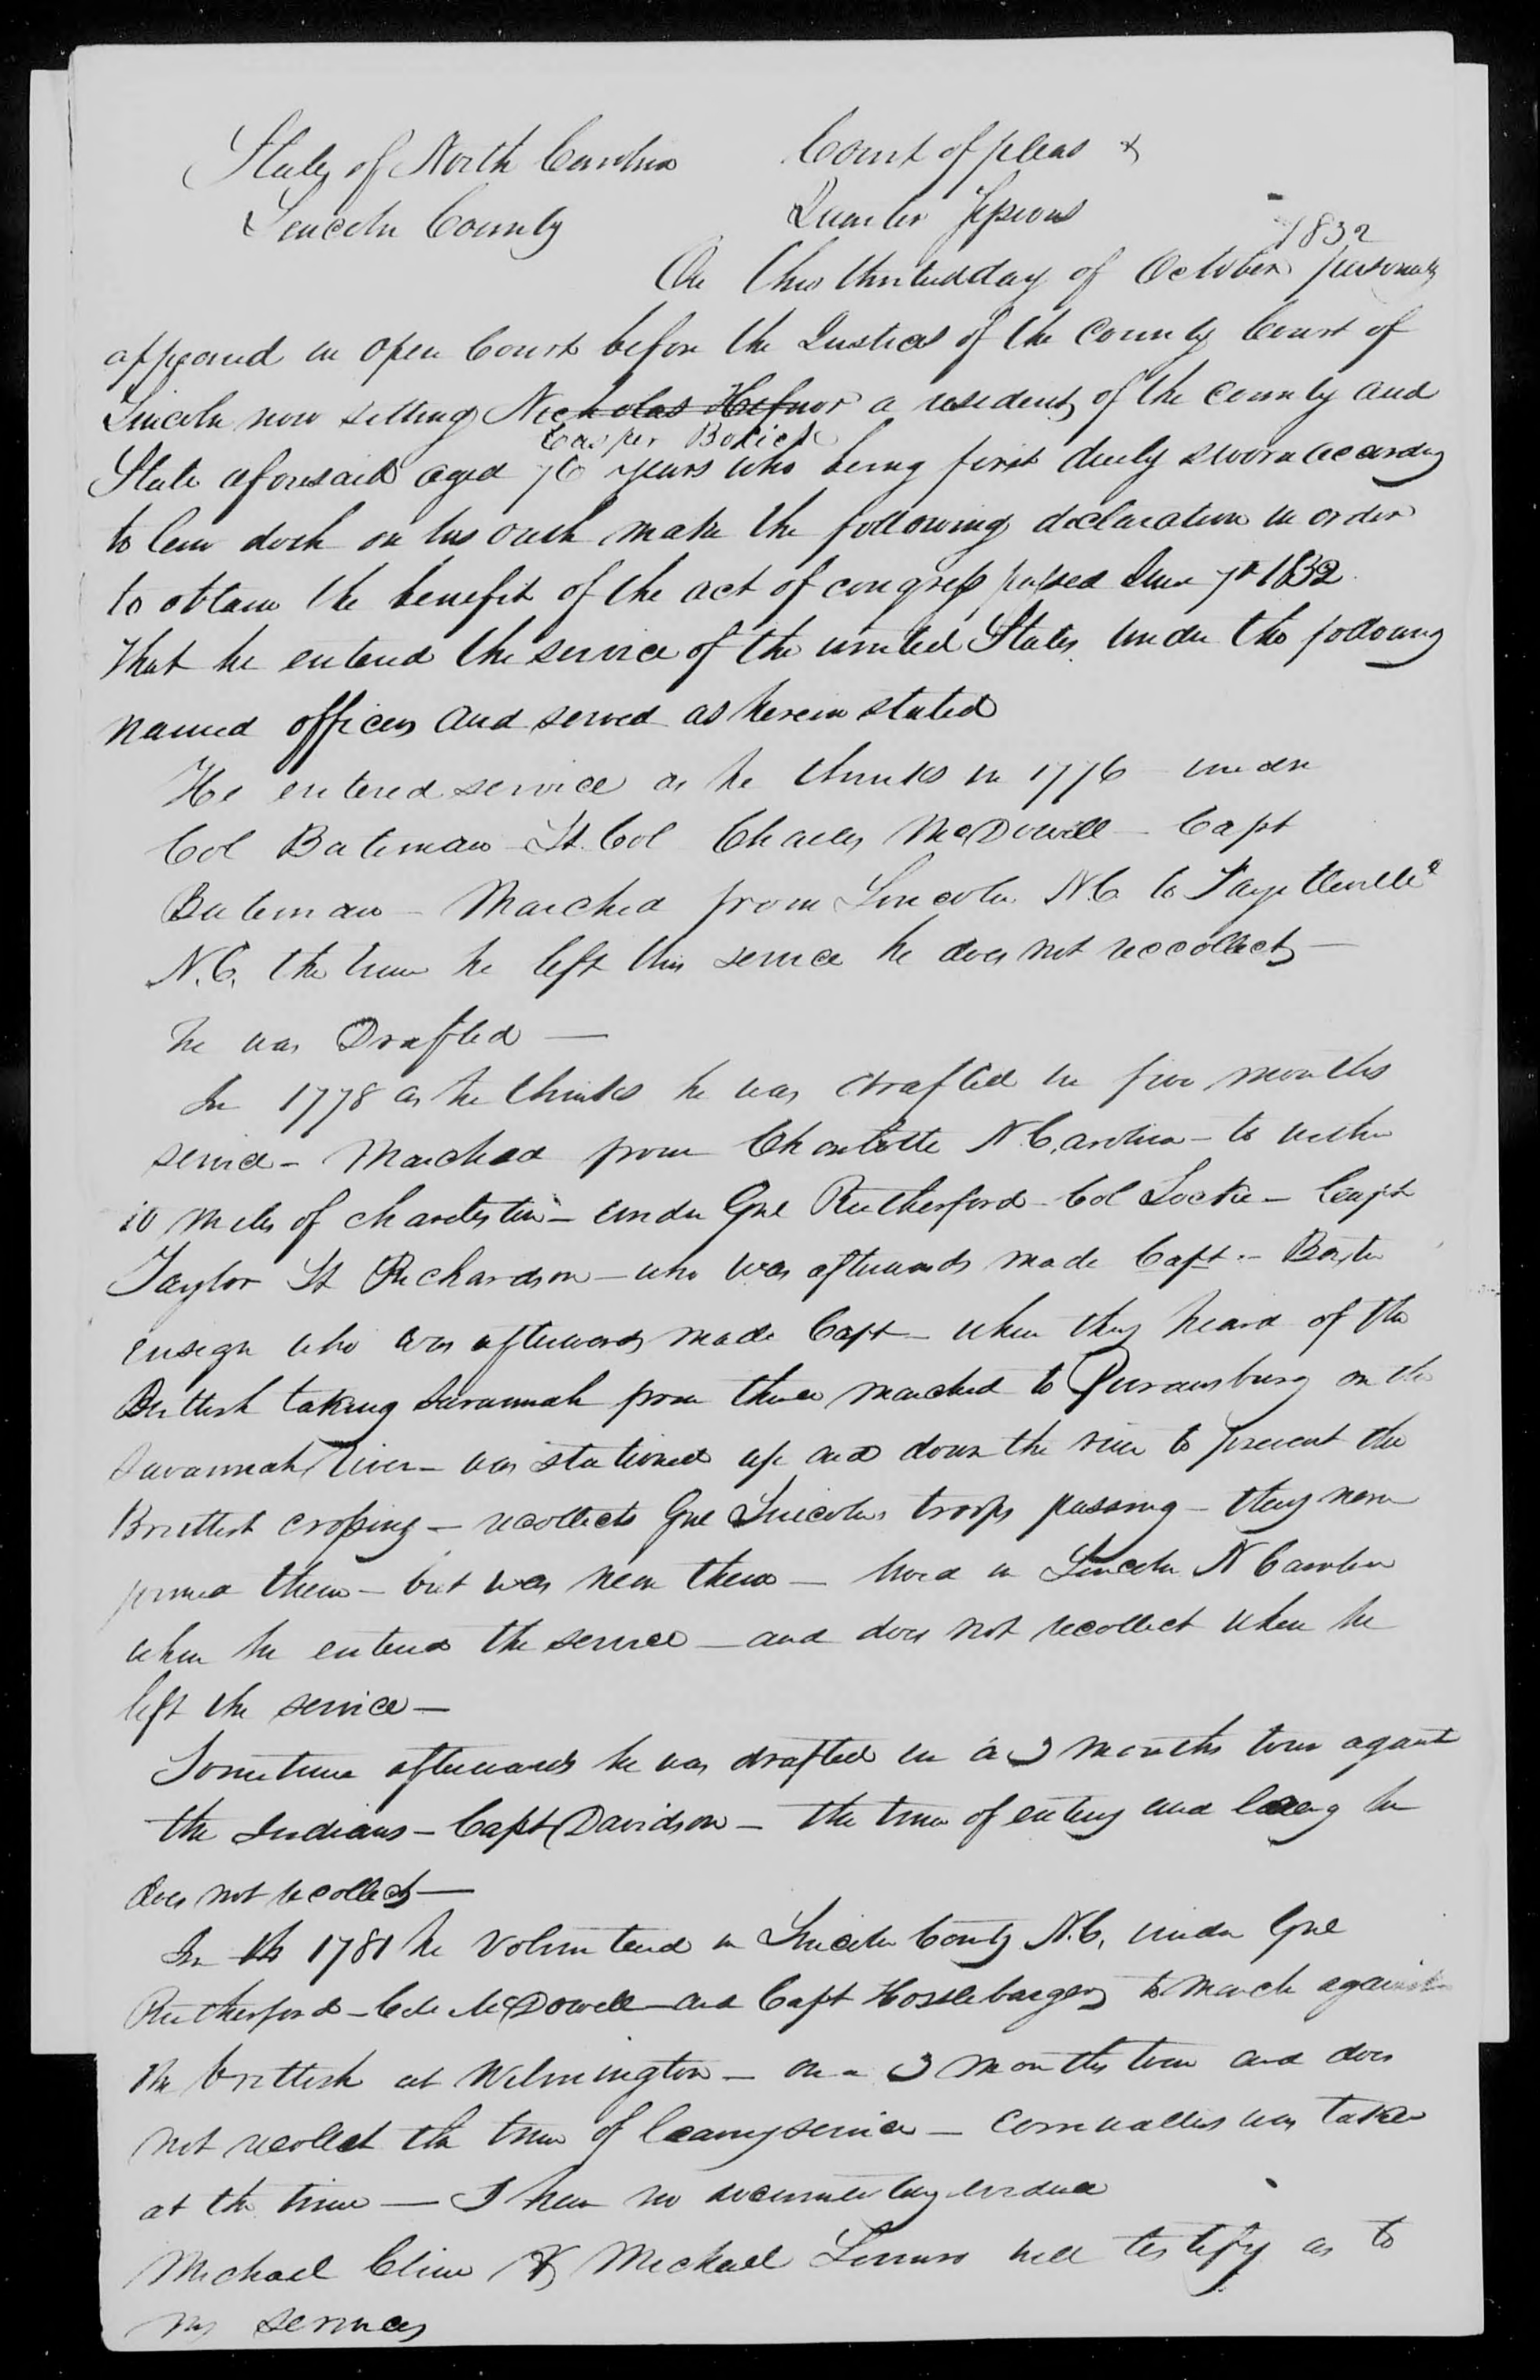State of North Carolina Court of pleas &
Lincoln County Quarter Sessions
On this thirteenth day of October 1832 personally appeared in open court before the Justices of the county Court of Lincoln now sitting Casper Bolick a resident of the county and State aforesaid aged 76 years who being first duly sworn according to law doth on his oath make the following declaration in order to obtain the benefit of the act of congress passed June 7th 1832. That he entered service on he thinks in 1776 under Col. Bateman Lt. Col. Charles McDowell Capt. Bateman marched from Lincoln N. C. to Fayetteville N. C. the time he left this service he does not recollect - he was Drafted -
In 1778 as he thinks he was drafted in five months service - marched from Charlotte N. Carolina - to within 10 miles of Charleston - under Gen'l. Rutherford - Col. Locke - Capt. Taylor Lt. Richardson - who was afterwards made Capt. - Baxter Ensign who was afterwards made Capt. - when they heard of the British taking Savannah from them marched to Purasburg [Purrysburg] on the Savannah River - was stationed up and down the river to prevent the Brittish crossing - Recollects Gen'l Lincolns troops passing - they never found them - but was men there - had in Lincoln N. Carolina when he entered the service - and does not recollect when he left the service -  Some time afterwards he was drafted in a 3 months tour against the Indians - Capt. Davidson - the time of entering and leaving he does not recollect - In the 1781 he volunteered in Lincoln County N. C. under Gen'l. Rutherford - Col. McDowell and Capt. Honabrger, to march against the Brittish at Wilmington - on a 3 months tour and does not recollect the time of leaving service - Cornwallis was taken at the time - he has no documentary evidence Michael Clive & Michael Lenun will testify as to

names: Locke, Bateman, Richardson, Michael Cline, Davidson, Casper Bolick, Charles Mc Dowell, Michael Lenun, Taylor, Boxter, Mc Dowell, Honabarger, Bateman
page: 11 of 43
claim: widow's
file: W. 18,566, Casper Bolick, N.C.